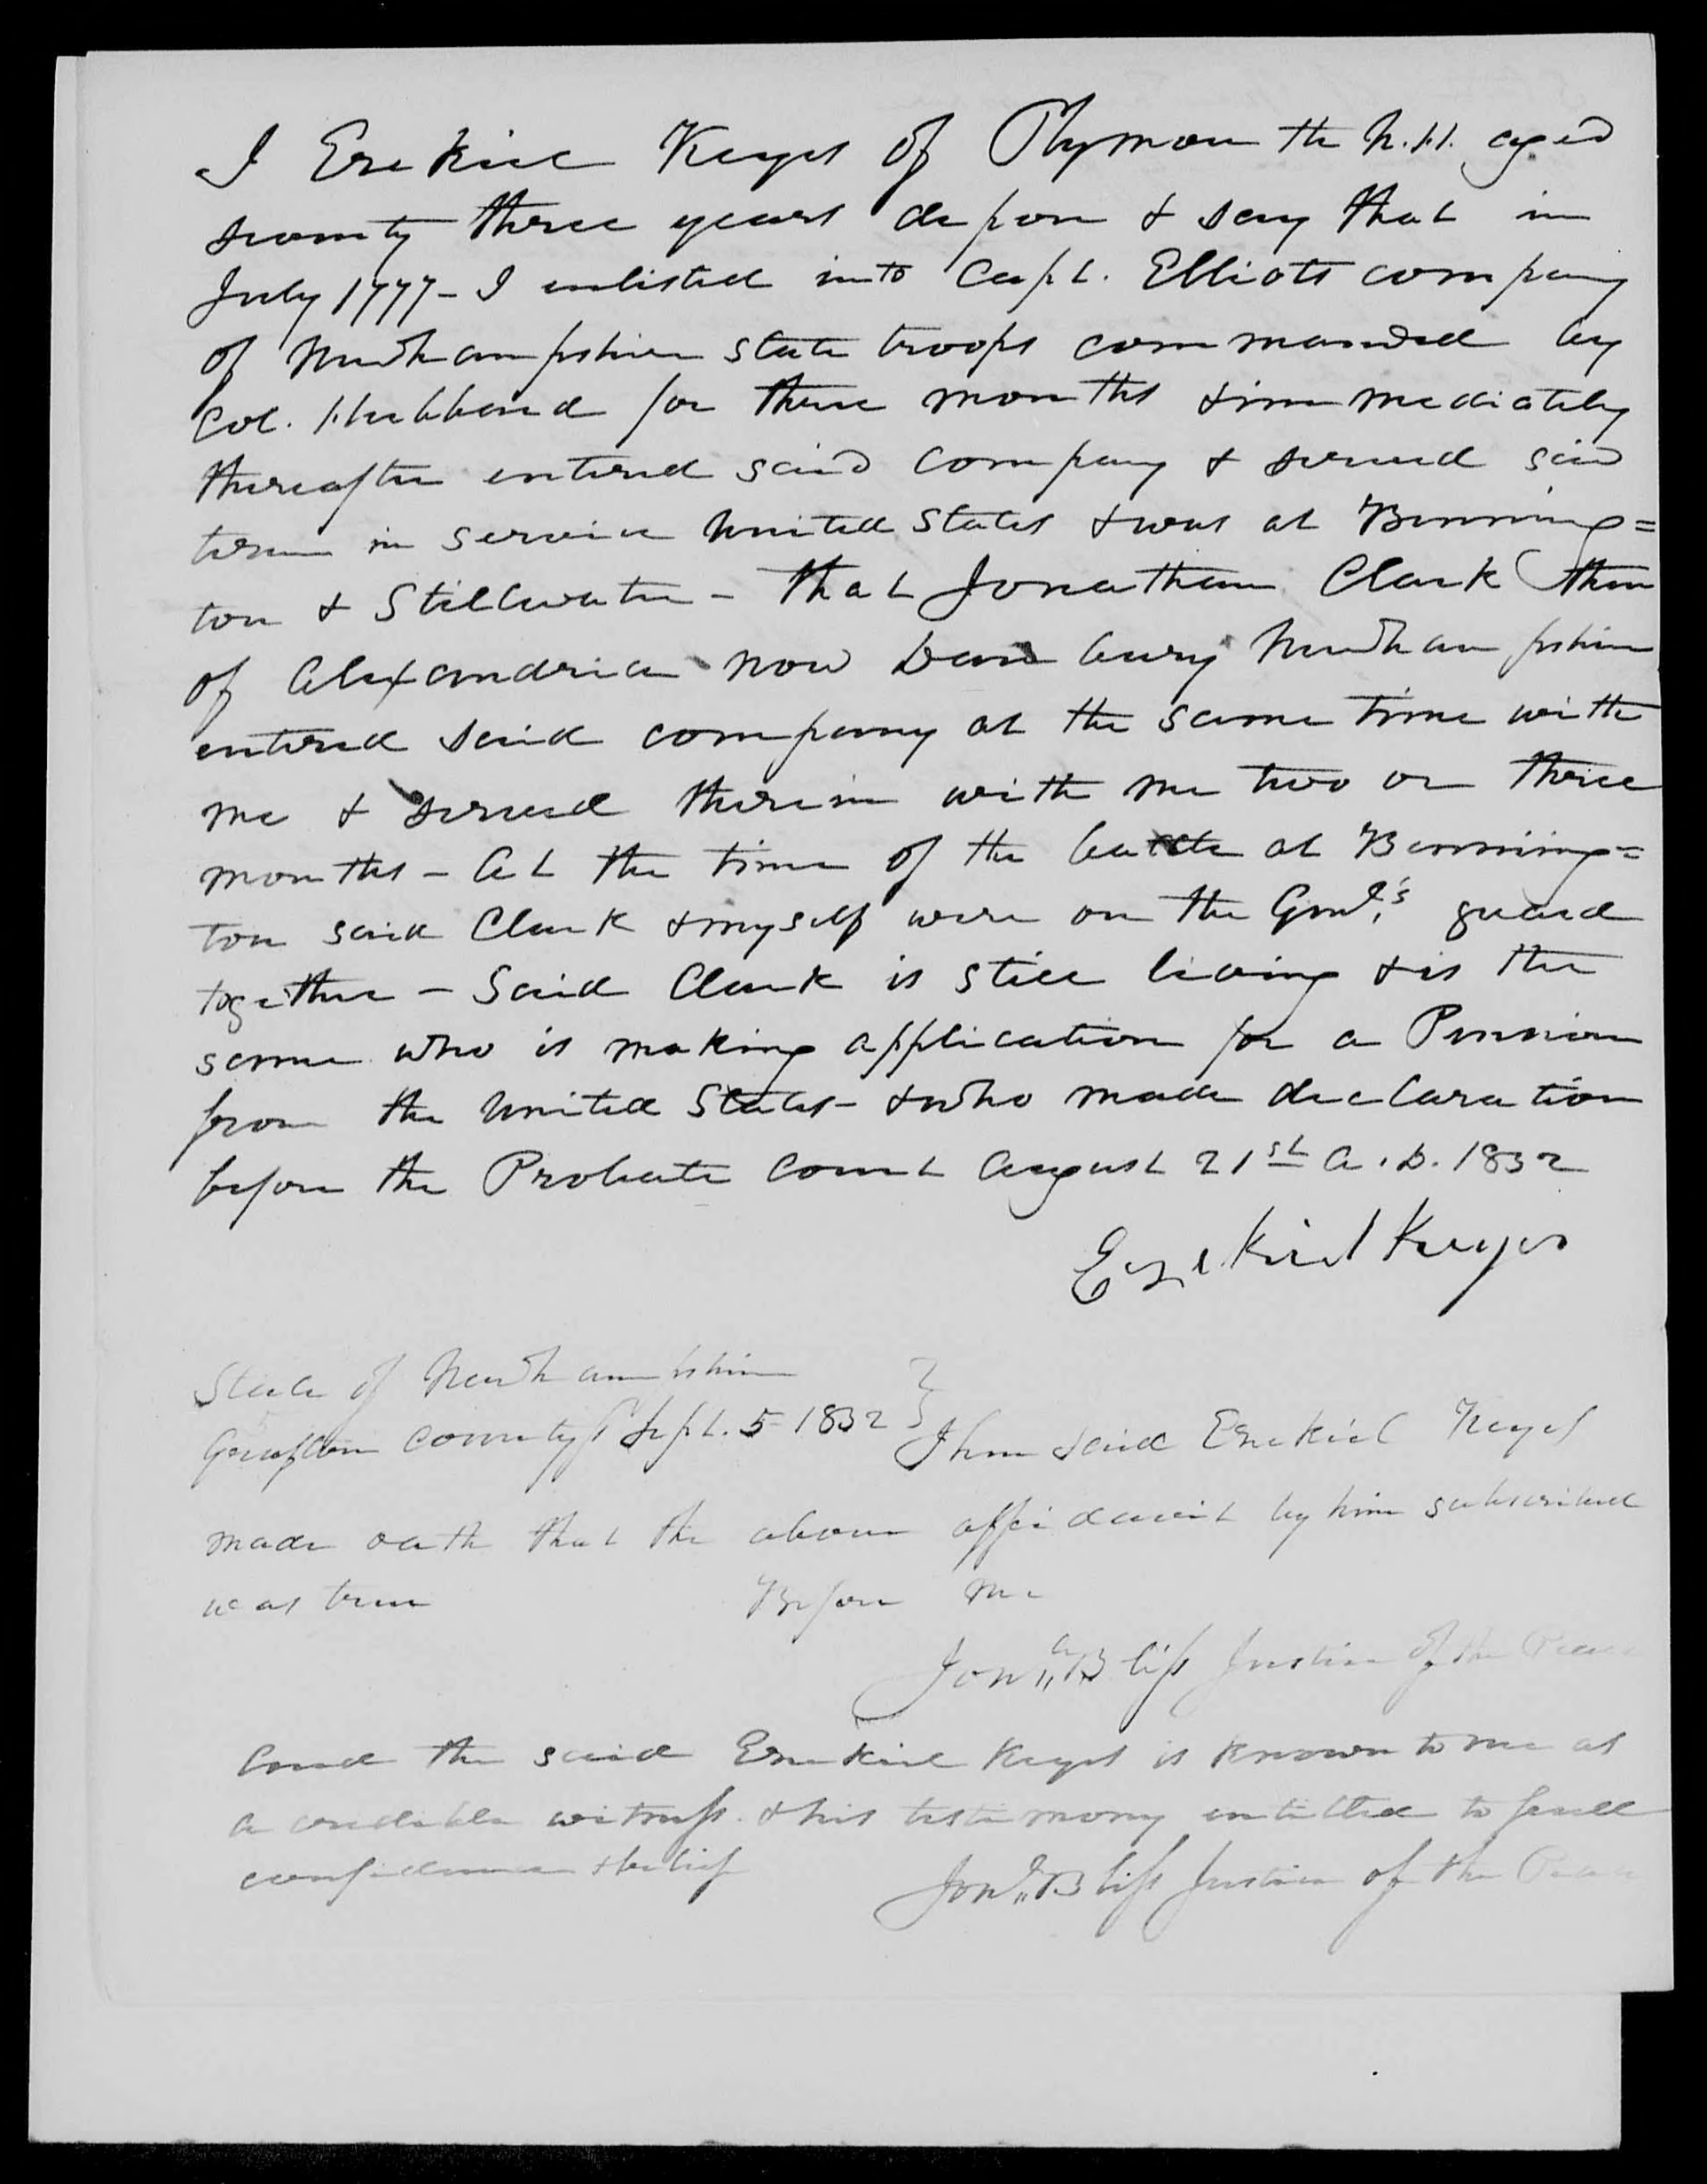I Ezekiel Keyes of Plymouth N.H. aged
seventy three years
depose & say that in
July 1777. I enlisted into Capt. Elliotts company
of
Newhampshire State troops commanded by
Col. Hubbard for three months & immediately
thereafter entered said company & served said
time in service United States & was at Bennington & Stillwater, that Jonathan Clark then
of Alexandria now Danbury he having
entered said company at the same time with
me & served therein with me two or three 
months - at the time of the battle at Bennington said Clark & myself were on the guard
together-- said Clark is still living & is the
same who is making application for a Pension
from the United States & who made declaration
before the Probate Court August 21st A.D. 1832
[Signature] Ezekiel Keyes

State of Newhampshire
Green County Sept. 5, 1832 The said Ezekiel Keyes
made oath that the above affidavit by him subscribed
was true
Before me
Jona Bliss Justice of the Peace
and the said Ezekial Keyes is known to me at
a credible witness & his testimony entitled to full
confidence & belief
Jona Bliss Justice of the Peace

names: Ezekiel Keyes, Hubbard, Clark, Ezekiel Keyes, Clark, Jona Bliss, Ezekiel Keyes, Jona Bliss, Jonathan Clark, Ezekiel Keyes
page: 11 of 18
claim: survivor's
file: S. 12,512, Jonathan Clark, Mass. N.H.